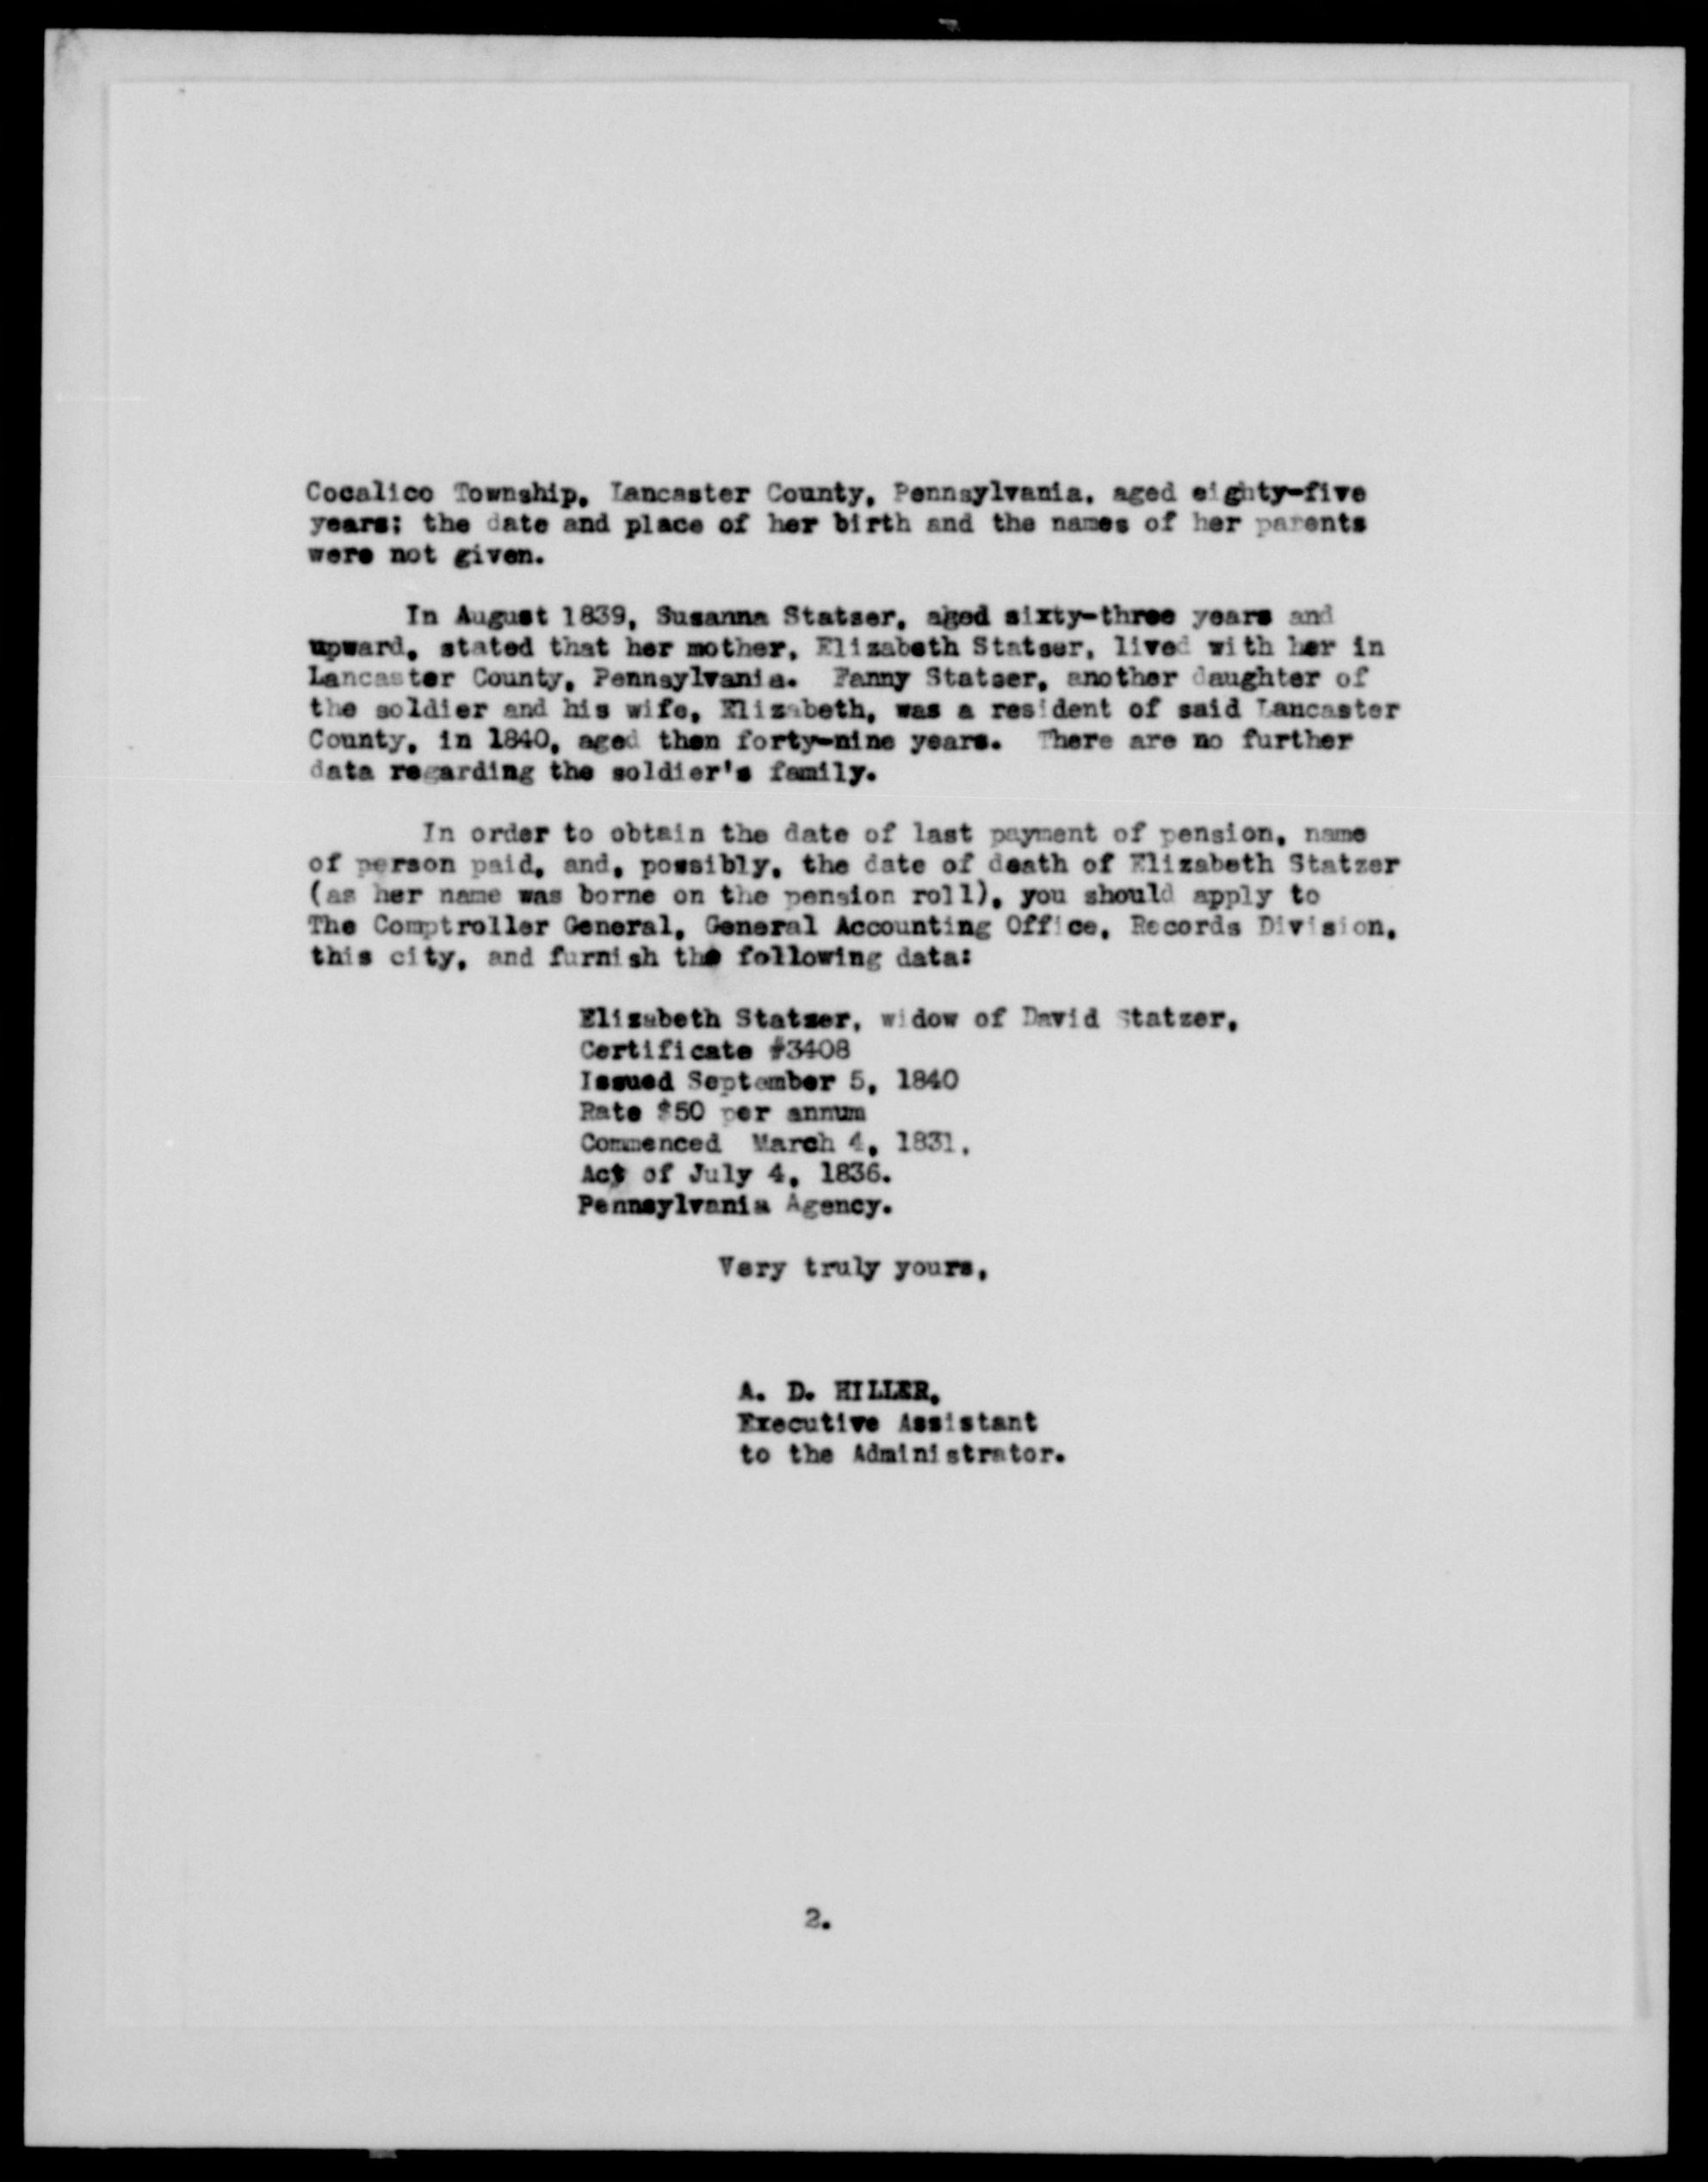Cocalico Township, Lancaster County, Pennsylvania, aged eighty-five years; the date and place of her birth and the names of her parents were not given.
In August 1839, Susanna Statser, aged sixty-three years and upward, stated that her mother, Elizabeth Statser, lived with her in Lancaster County, Pennsylvania. Fanny Statser, another daughter of the soldier and his wife, Elizabeth, was a resident of said Lancaster County, in 1840, aged then forty-nine years. There are no further data regarding the soldier's family.
In order to obtain the date of last payment of pension, name of person paid, and, possibly, the date of death of Elizabeth Statzer (as her name was borne on the pension roll), you should apply to The Comptroller General, General Accounting Office, Records Division, this city, and furnish the following data:
Elizabeth Statzer, widow of David Statzer,
Certificate #3408
Issued September 5, 1840
Rate $50 per annum
Commenced March 4, 1831,
Act of July 4, 1836.
Pennsylvania Agency.
Very truly yours,
A. D. HILLER.
Executive Assistant to the Administrator.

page: 20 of 28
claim: widow's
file: W. 3163, for David Statser, Pennsylvania